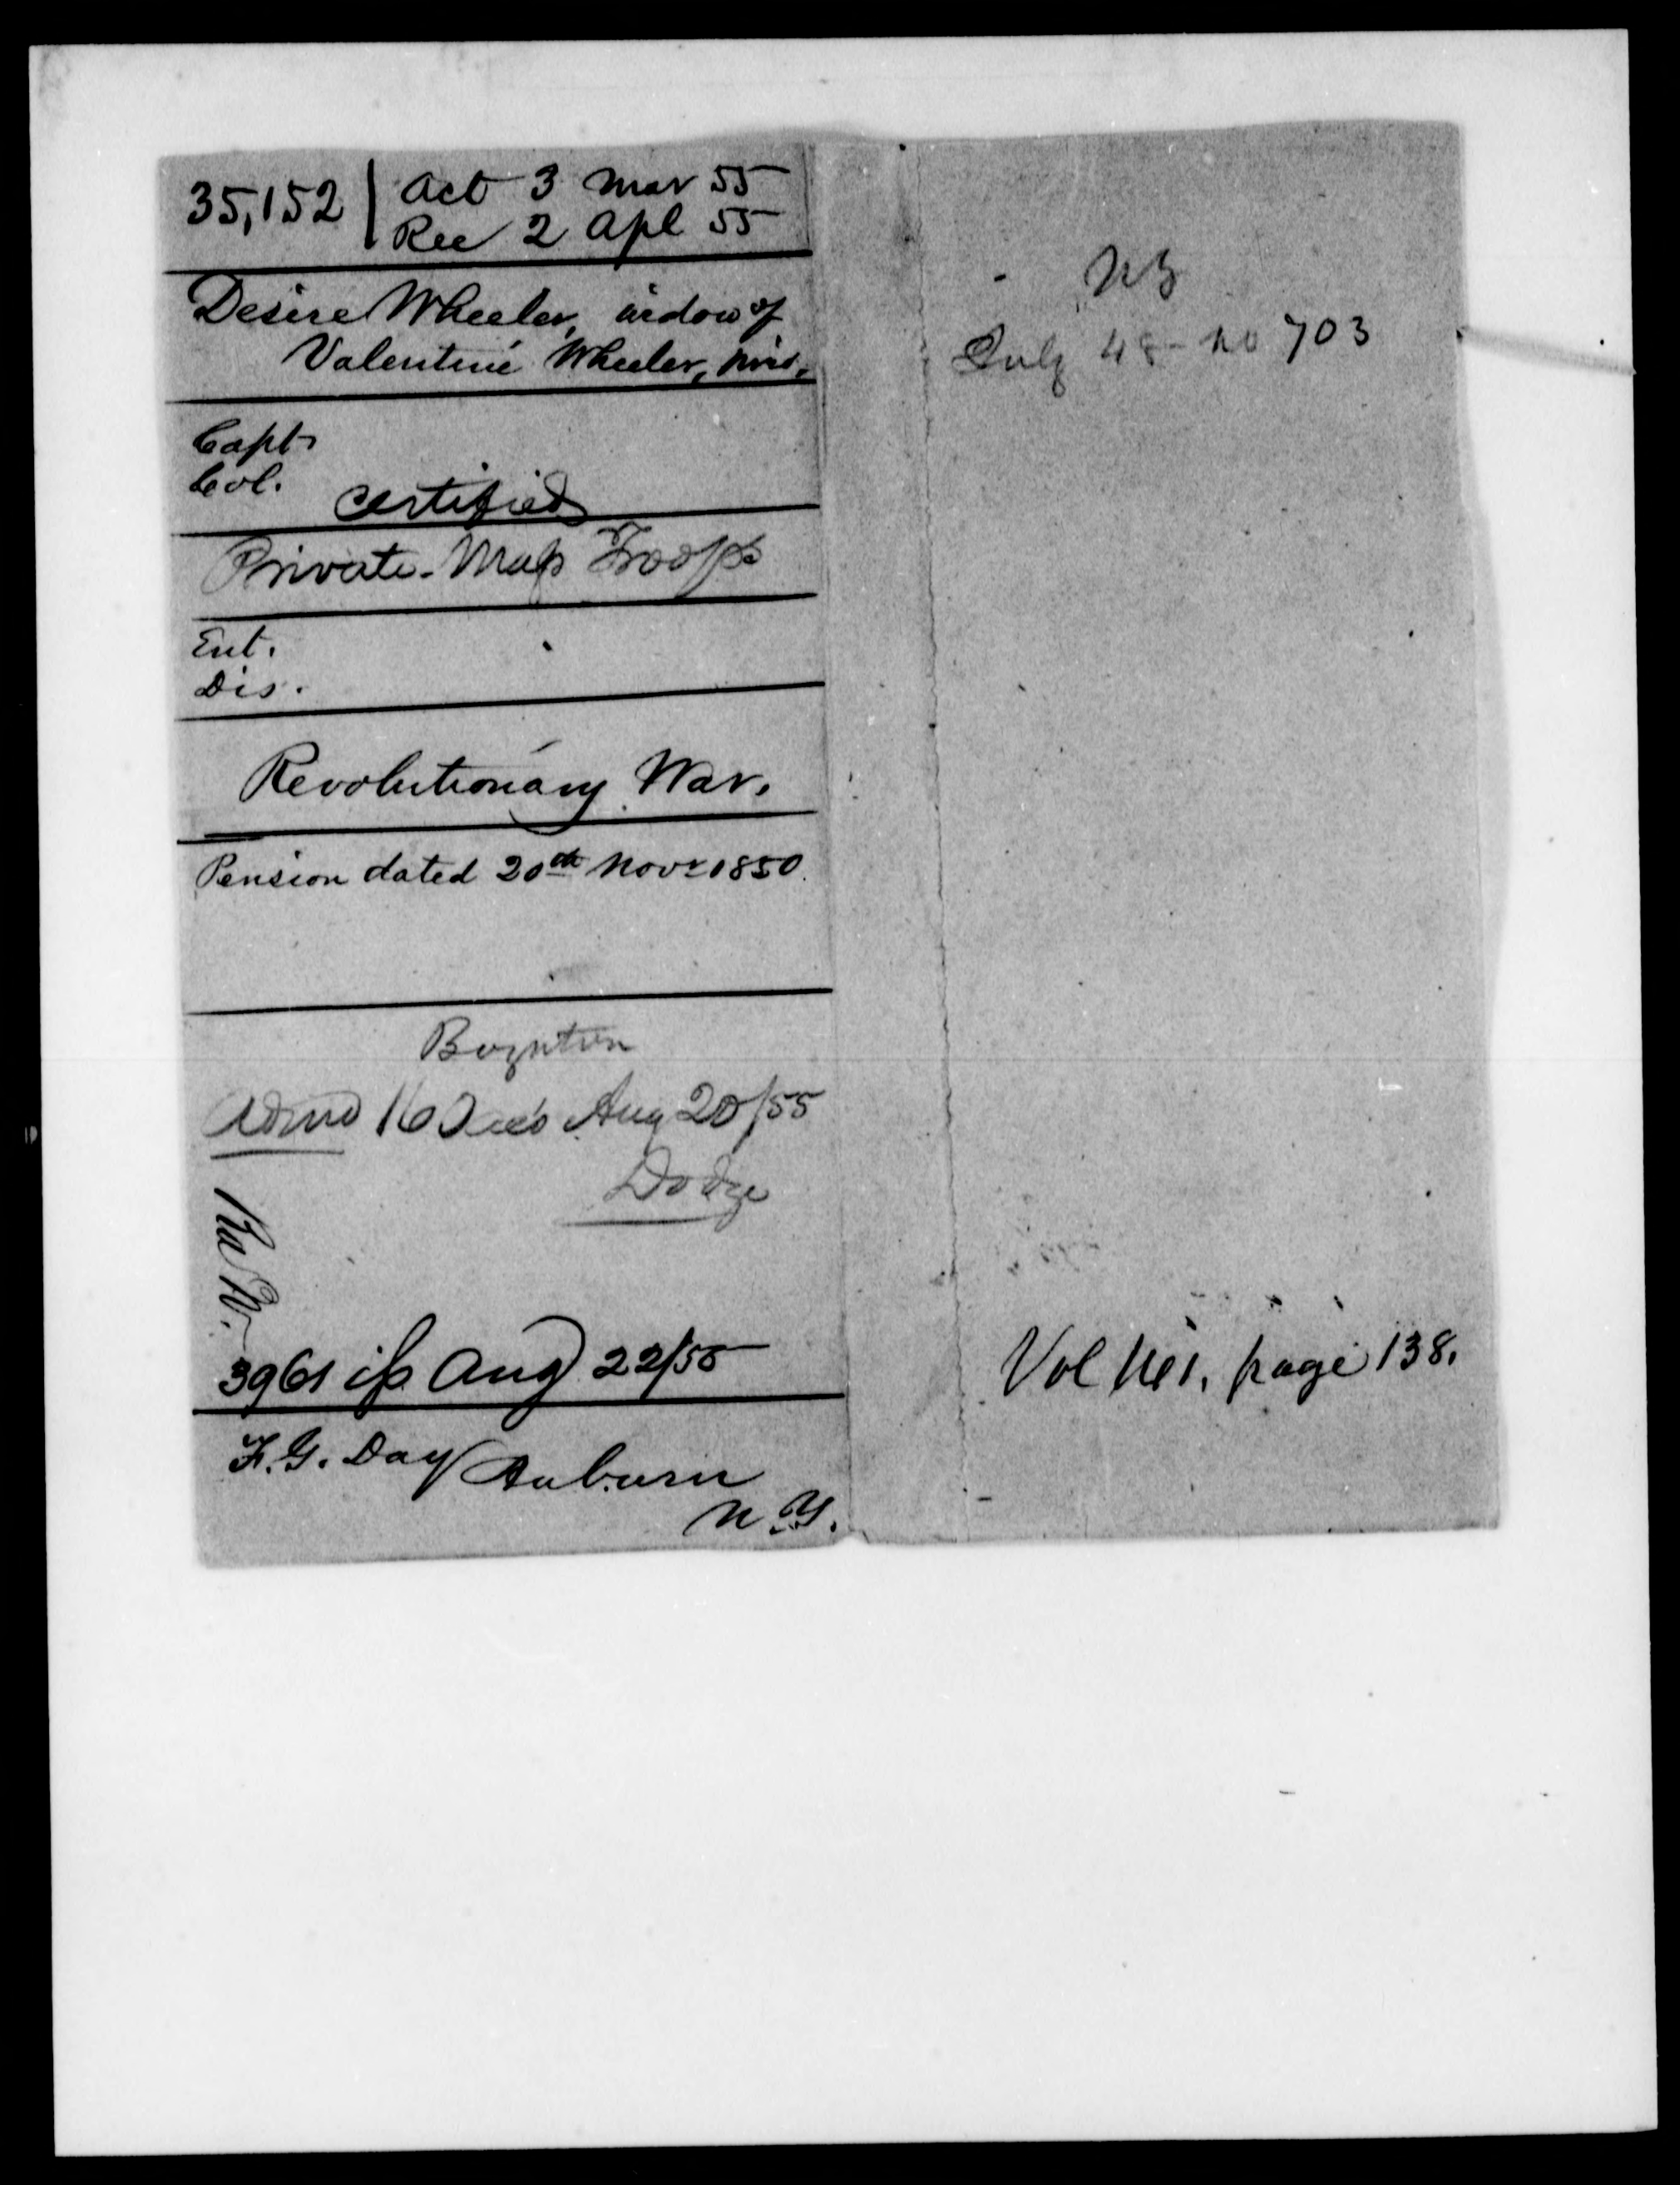35,152
Act 3 Mar 55
Rec. 2 Apl. 55
Desire Wheeler widow of Valentine Wheeler, Pri
Capt.
Col
certified
Private Mass Troops
Ent.
Dis.
Revolutionary War
Pension dated 20th Nov. 1850
Boynton
admd. 160 acs. Aug. 20/55
Dodge
3961 iss. Aug. 22/55
F. G. Day Auburn N. Y.
N.Y.
July 48-No 703
Vol. M1 page 138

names: F G Day, Dodge, Boynton, Valentine Wheeler, Desire Wheeler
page: 19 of 98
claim: widow's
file: W. 1682, Valentine Wheeler, Mass.